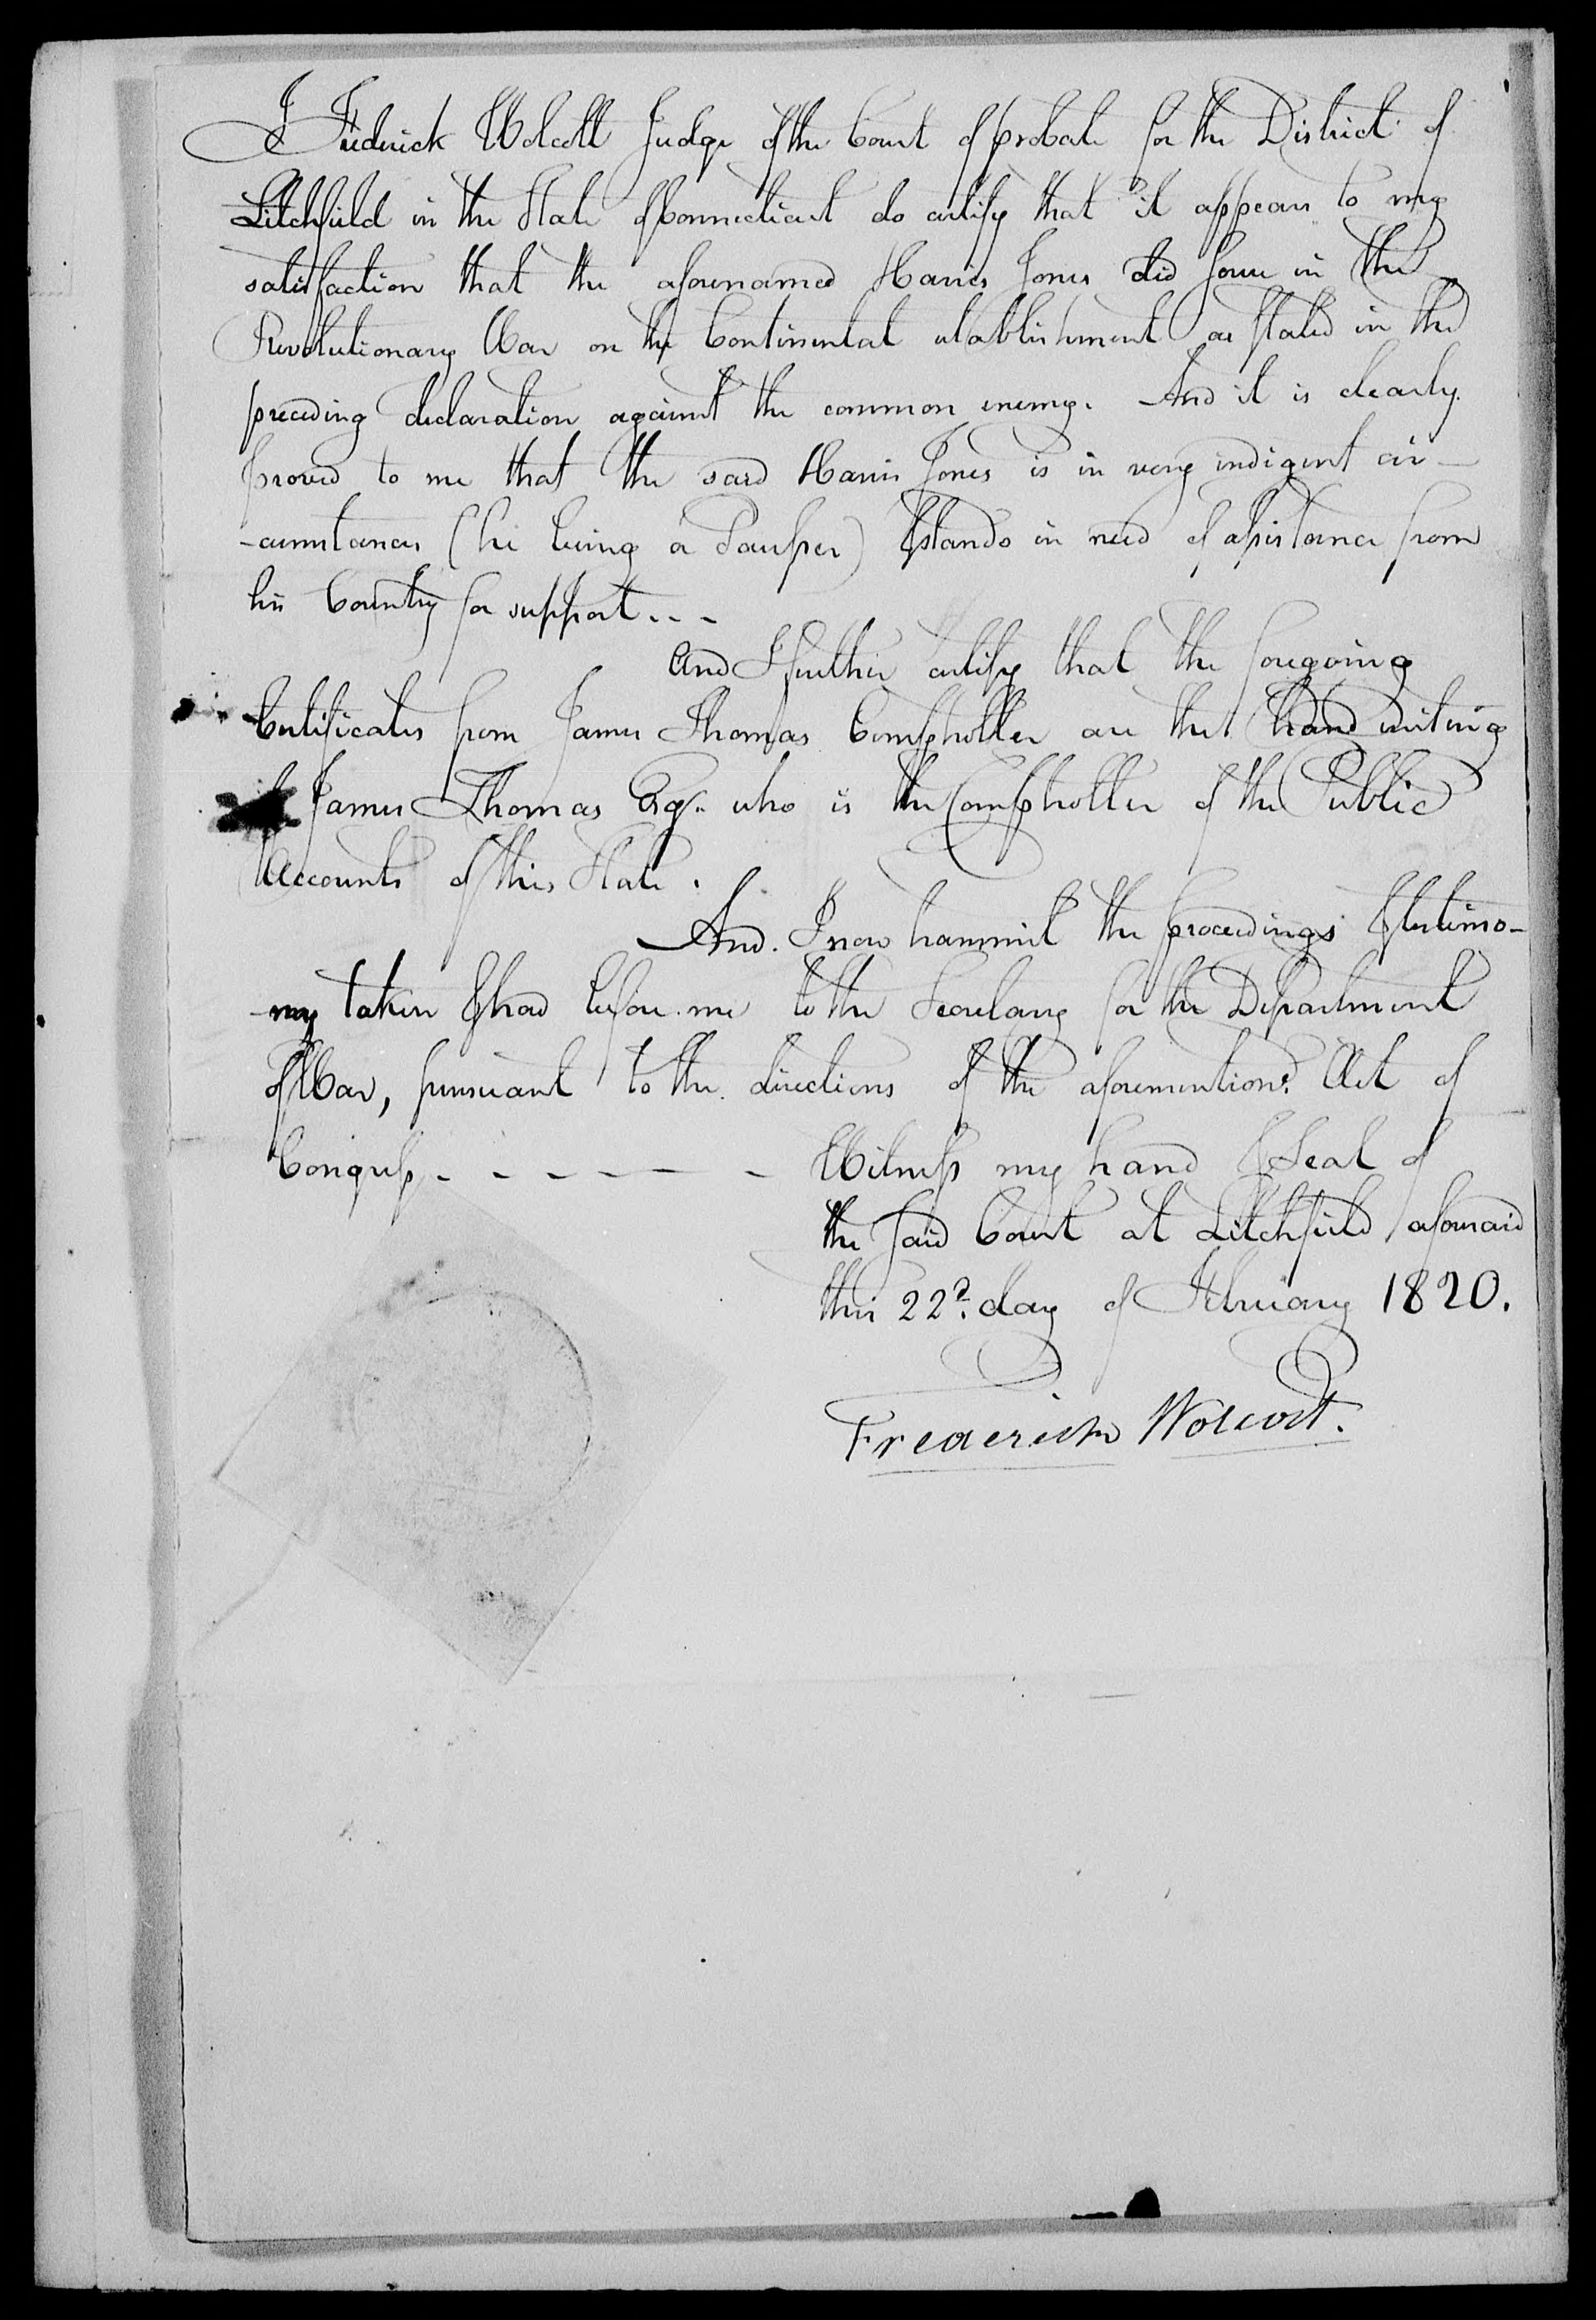I Frederick Wolcott Judge of the Court of Probate for the District of Litchfield in the State of Connecticut do certify that it appears to my satisfaction that the aforenamed Harris Jones did serve in the Revolutionary War in the Continental establishment as stated in the preceding Declaration against the common enemy,  And it is clearly proved to me that the said Harris Jones is in very indigent circumstances (he being a Pauper)  [illegible] in need of assistance from his Country for support ...

And I further certify that the foregoing Certificates from James Thomas Comptroller on the hand writing James Thomas Esq. who is the Comptroller of the Public Accounts of this State.

And I now [illegible]  the proceedings[illegible] taken those before me to the [illegible] for the Department of War, pursuant to the directions of the aforementioned Act of Congress....... 

Witness my hand & Seal of the Law Court at Litchfield aforesaid this 22d day of February 1820.
            [Signed] Frederick Wolcott

[Stamp affixed, lower left corner]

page: 10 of 11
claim: survivor's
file: S. 36655, for Harris Jones, Connecticut